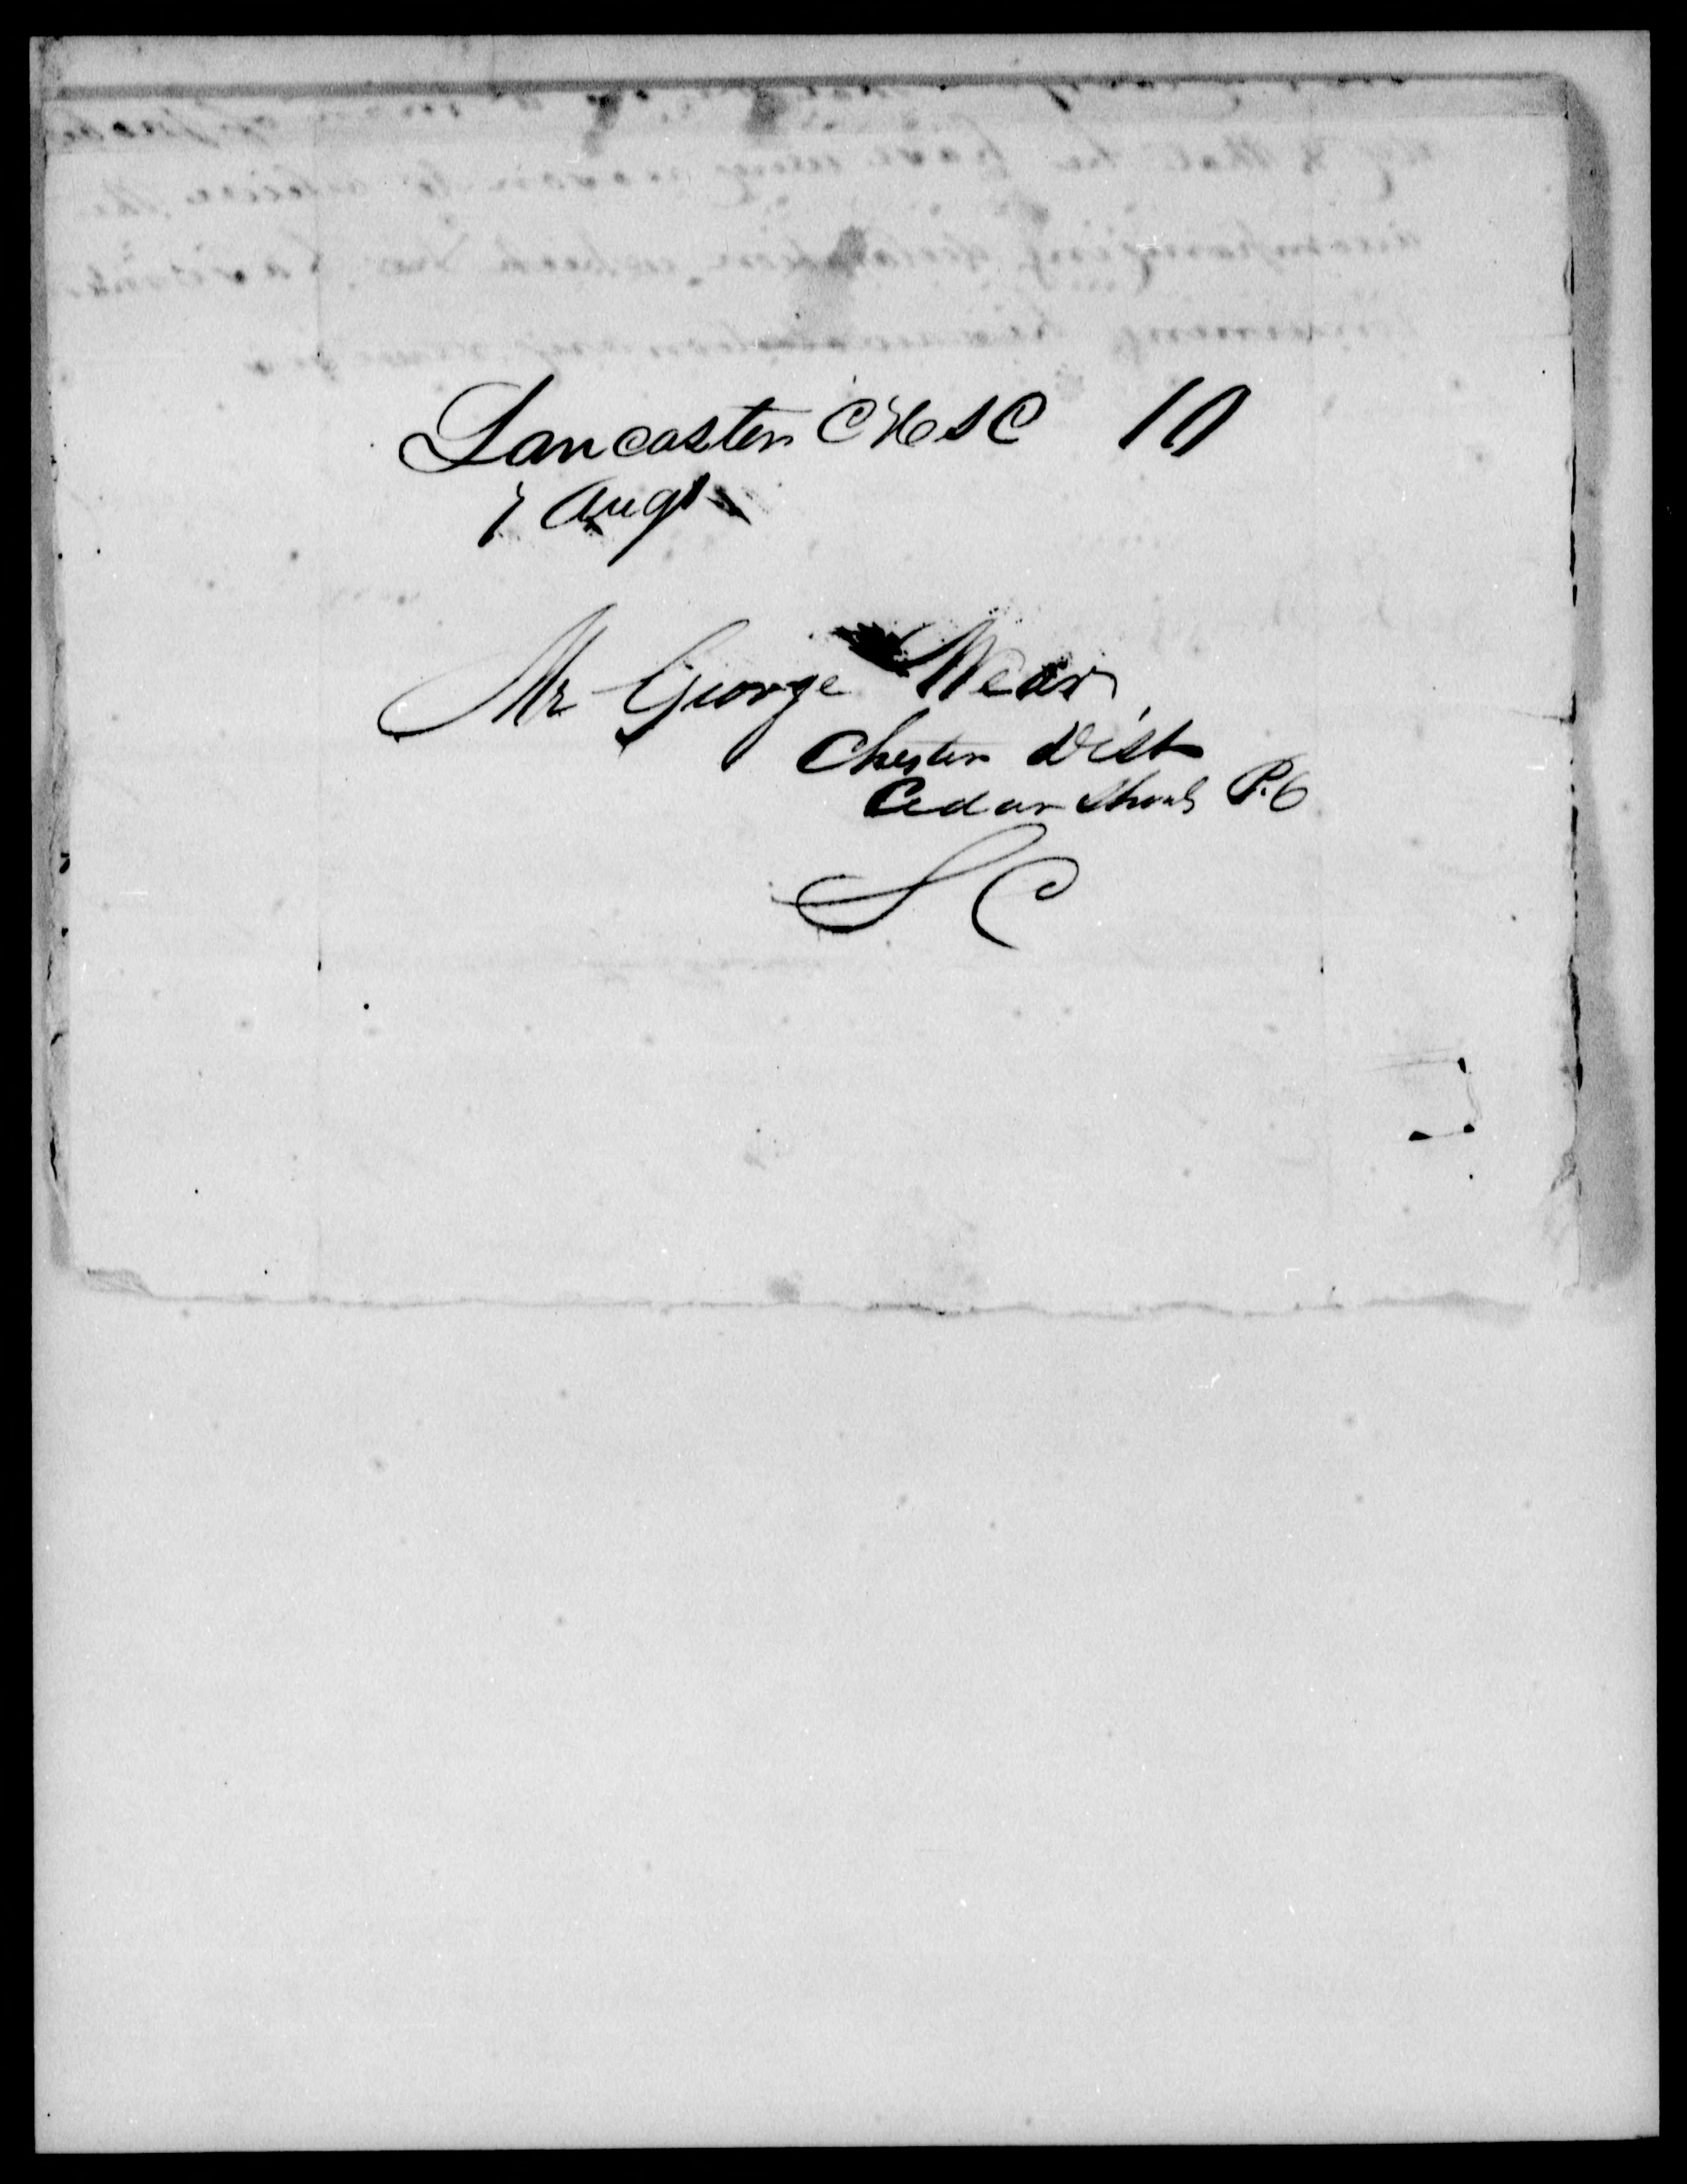[envelope]
Lancaster C H S C  10
1 Aug

Mr George Wear
Chester Dist
Cedar Shoals P.O.
SC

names: George Wear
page: 14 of 22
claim: survivor's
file: S. 9528, George Weir, S.C.